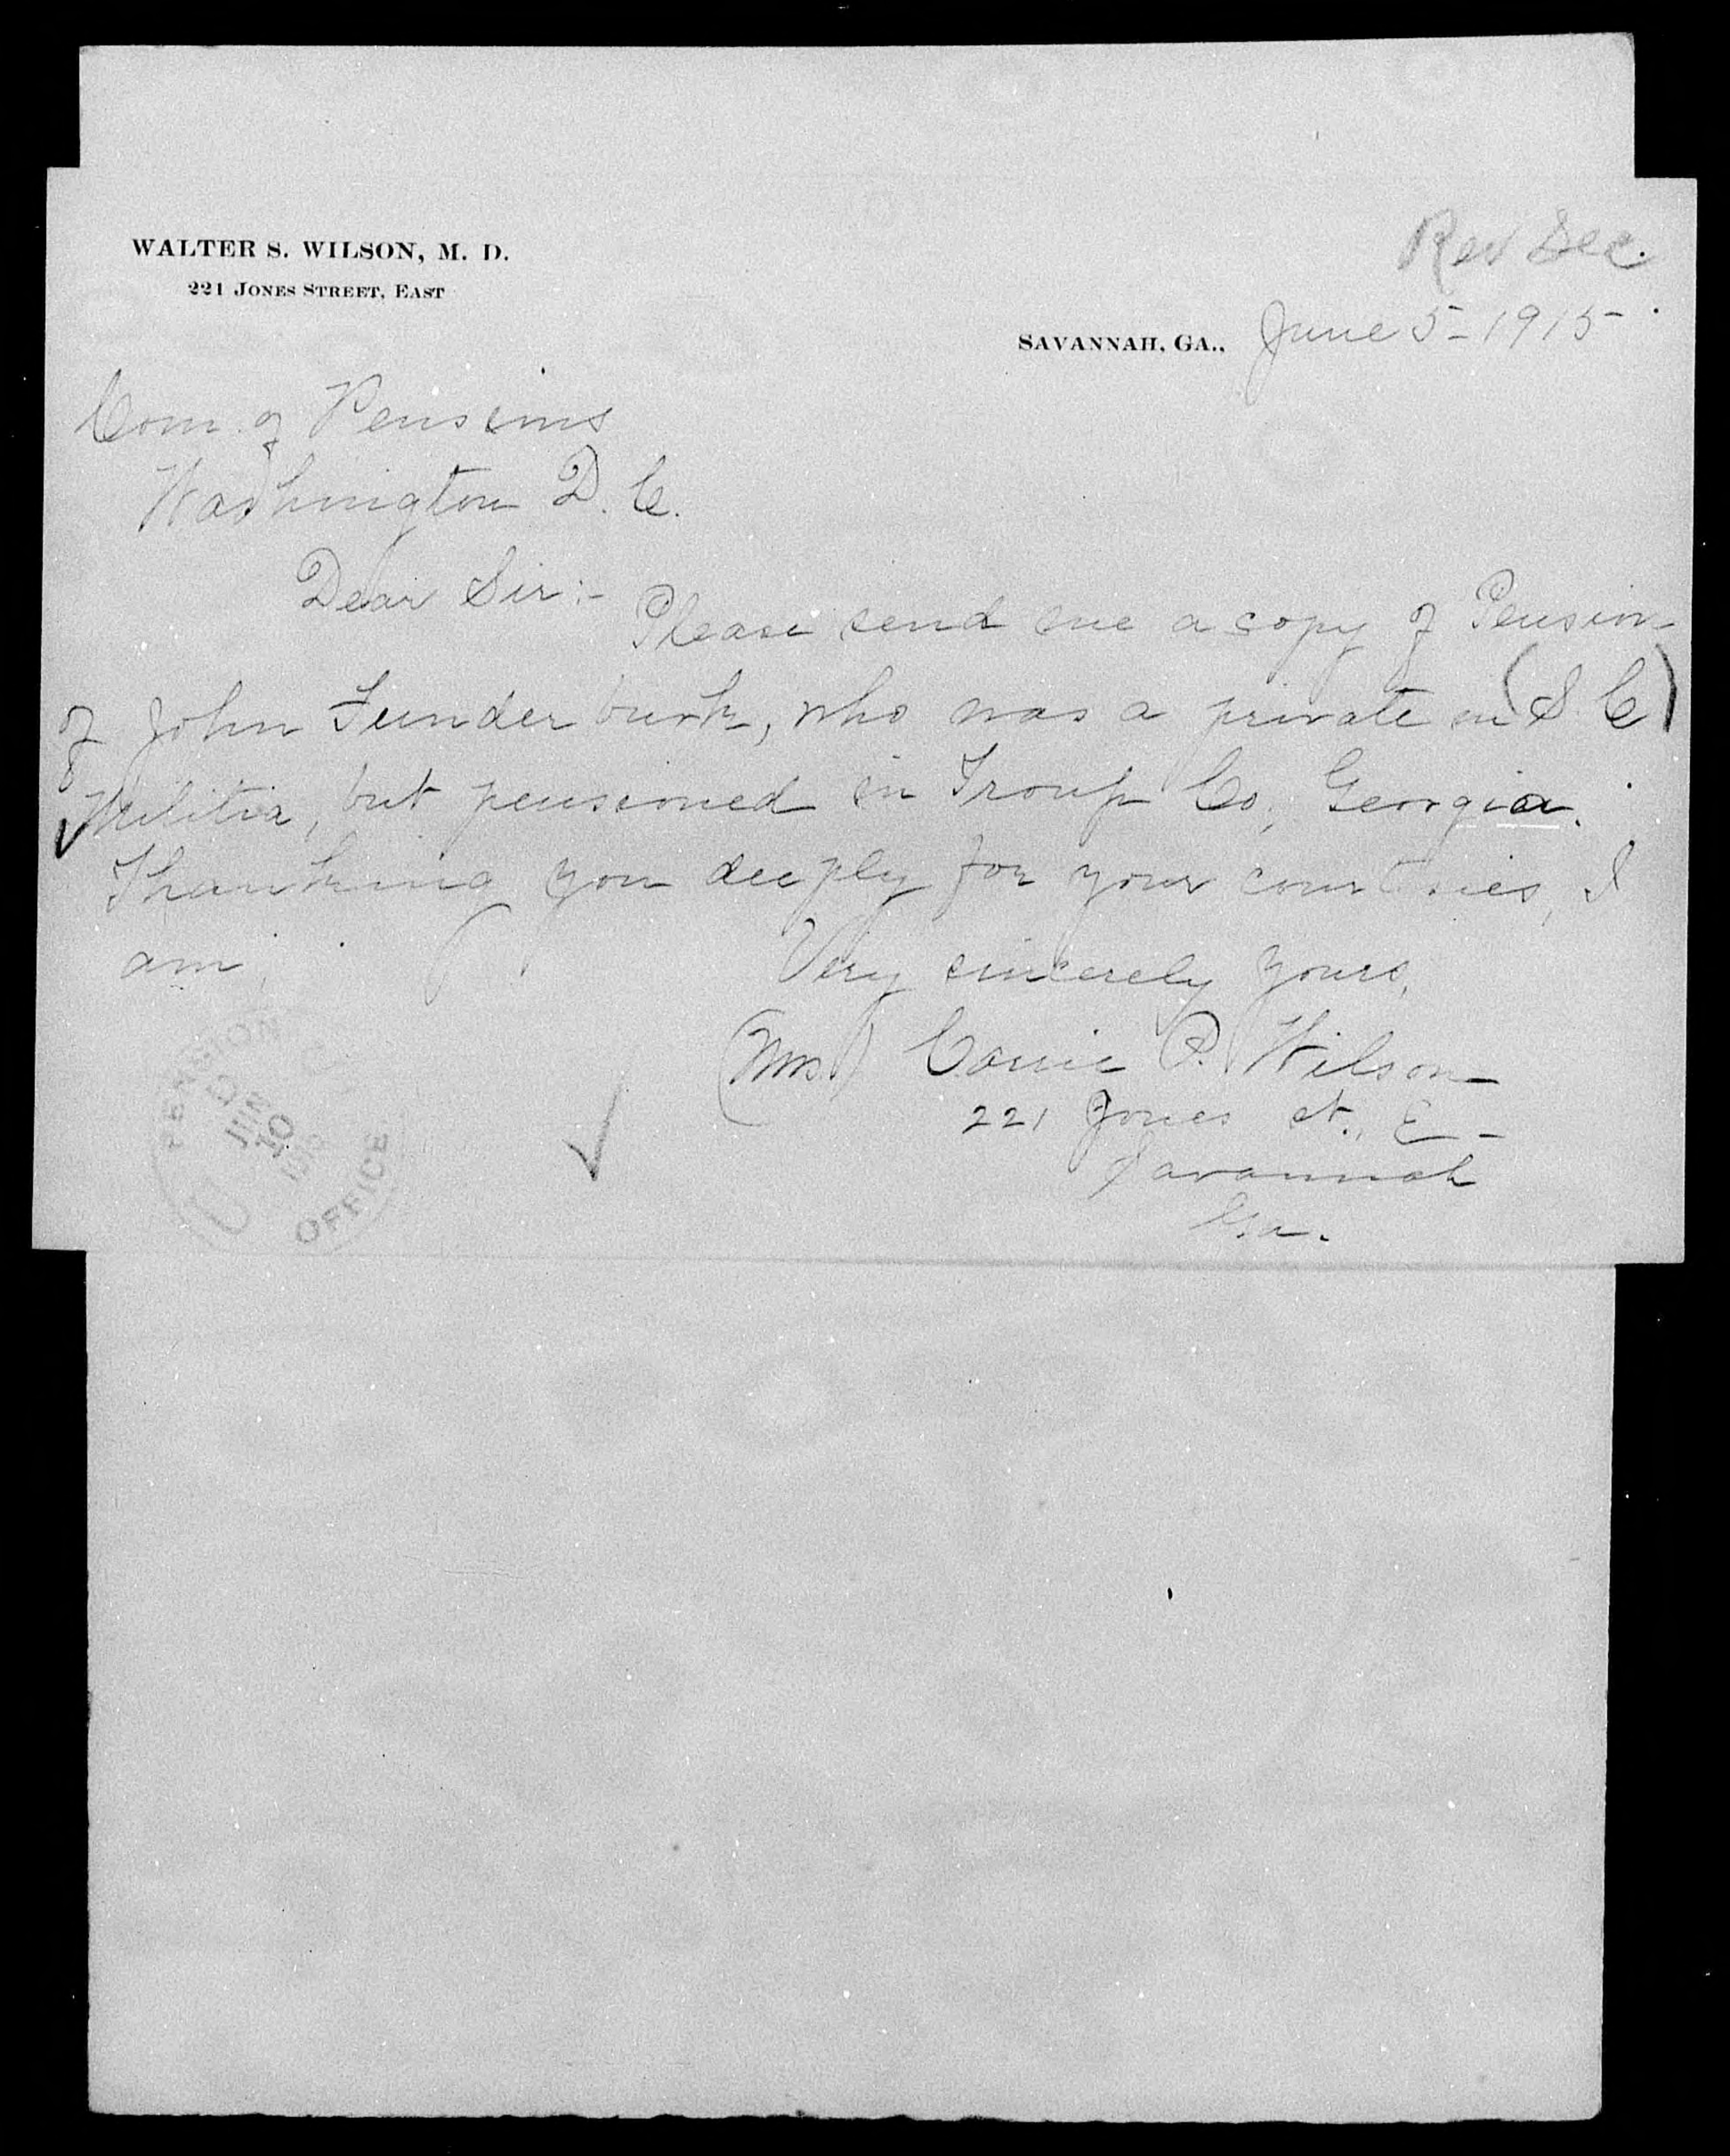WALTER S. WILSON, M.D.
221 JONES STREET, EAST
SAVANNAH, GA., 

Rev Sec
June 5-1915

Com of Pensions
Washington D.C.
Dear Sir: - 
Please send me a copy of Pension
of John Funderburk, who was a private in (S.C)
militia, but pensioned in Troup Co., Georgia.
Thanking you deeply for your courtesies, I
am, Very sincerely yours,
(Mrs.) Carrie P. Wilson
221 Jones St. E-
Savannah
Ga.

[stamped with round stamp]
PENSION 
D
JUN 10
1915
US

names: John Funderburk, Walter S Wilson, Carrie P Wilson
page: 20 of 23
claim: survivor's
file: S. 31,682, John Funderbuck, S.C.